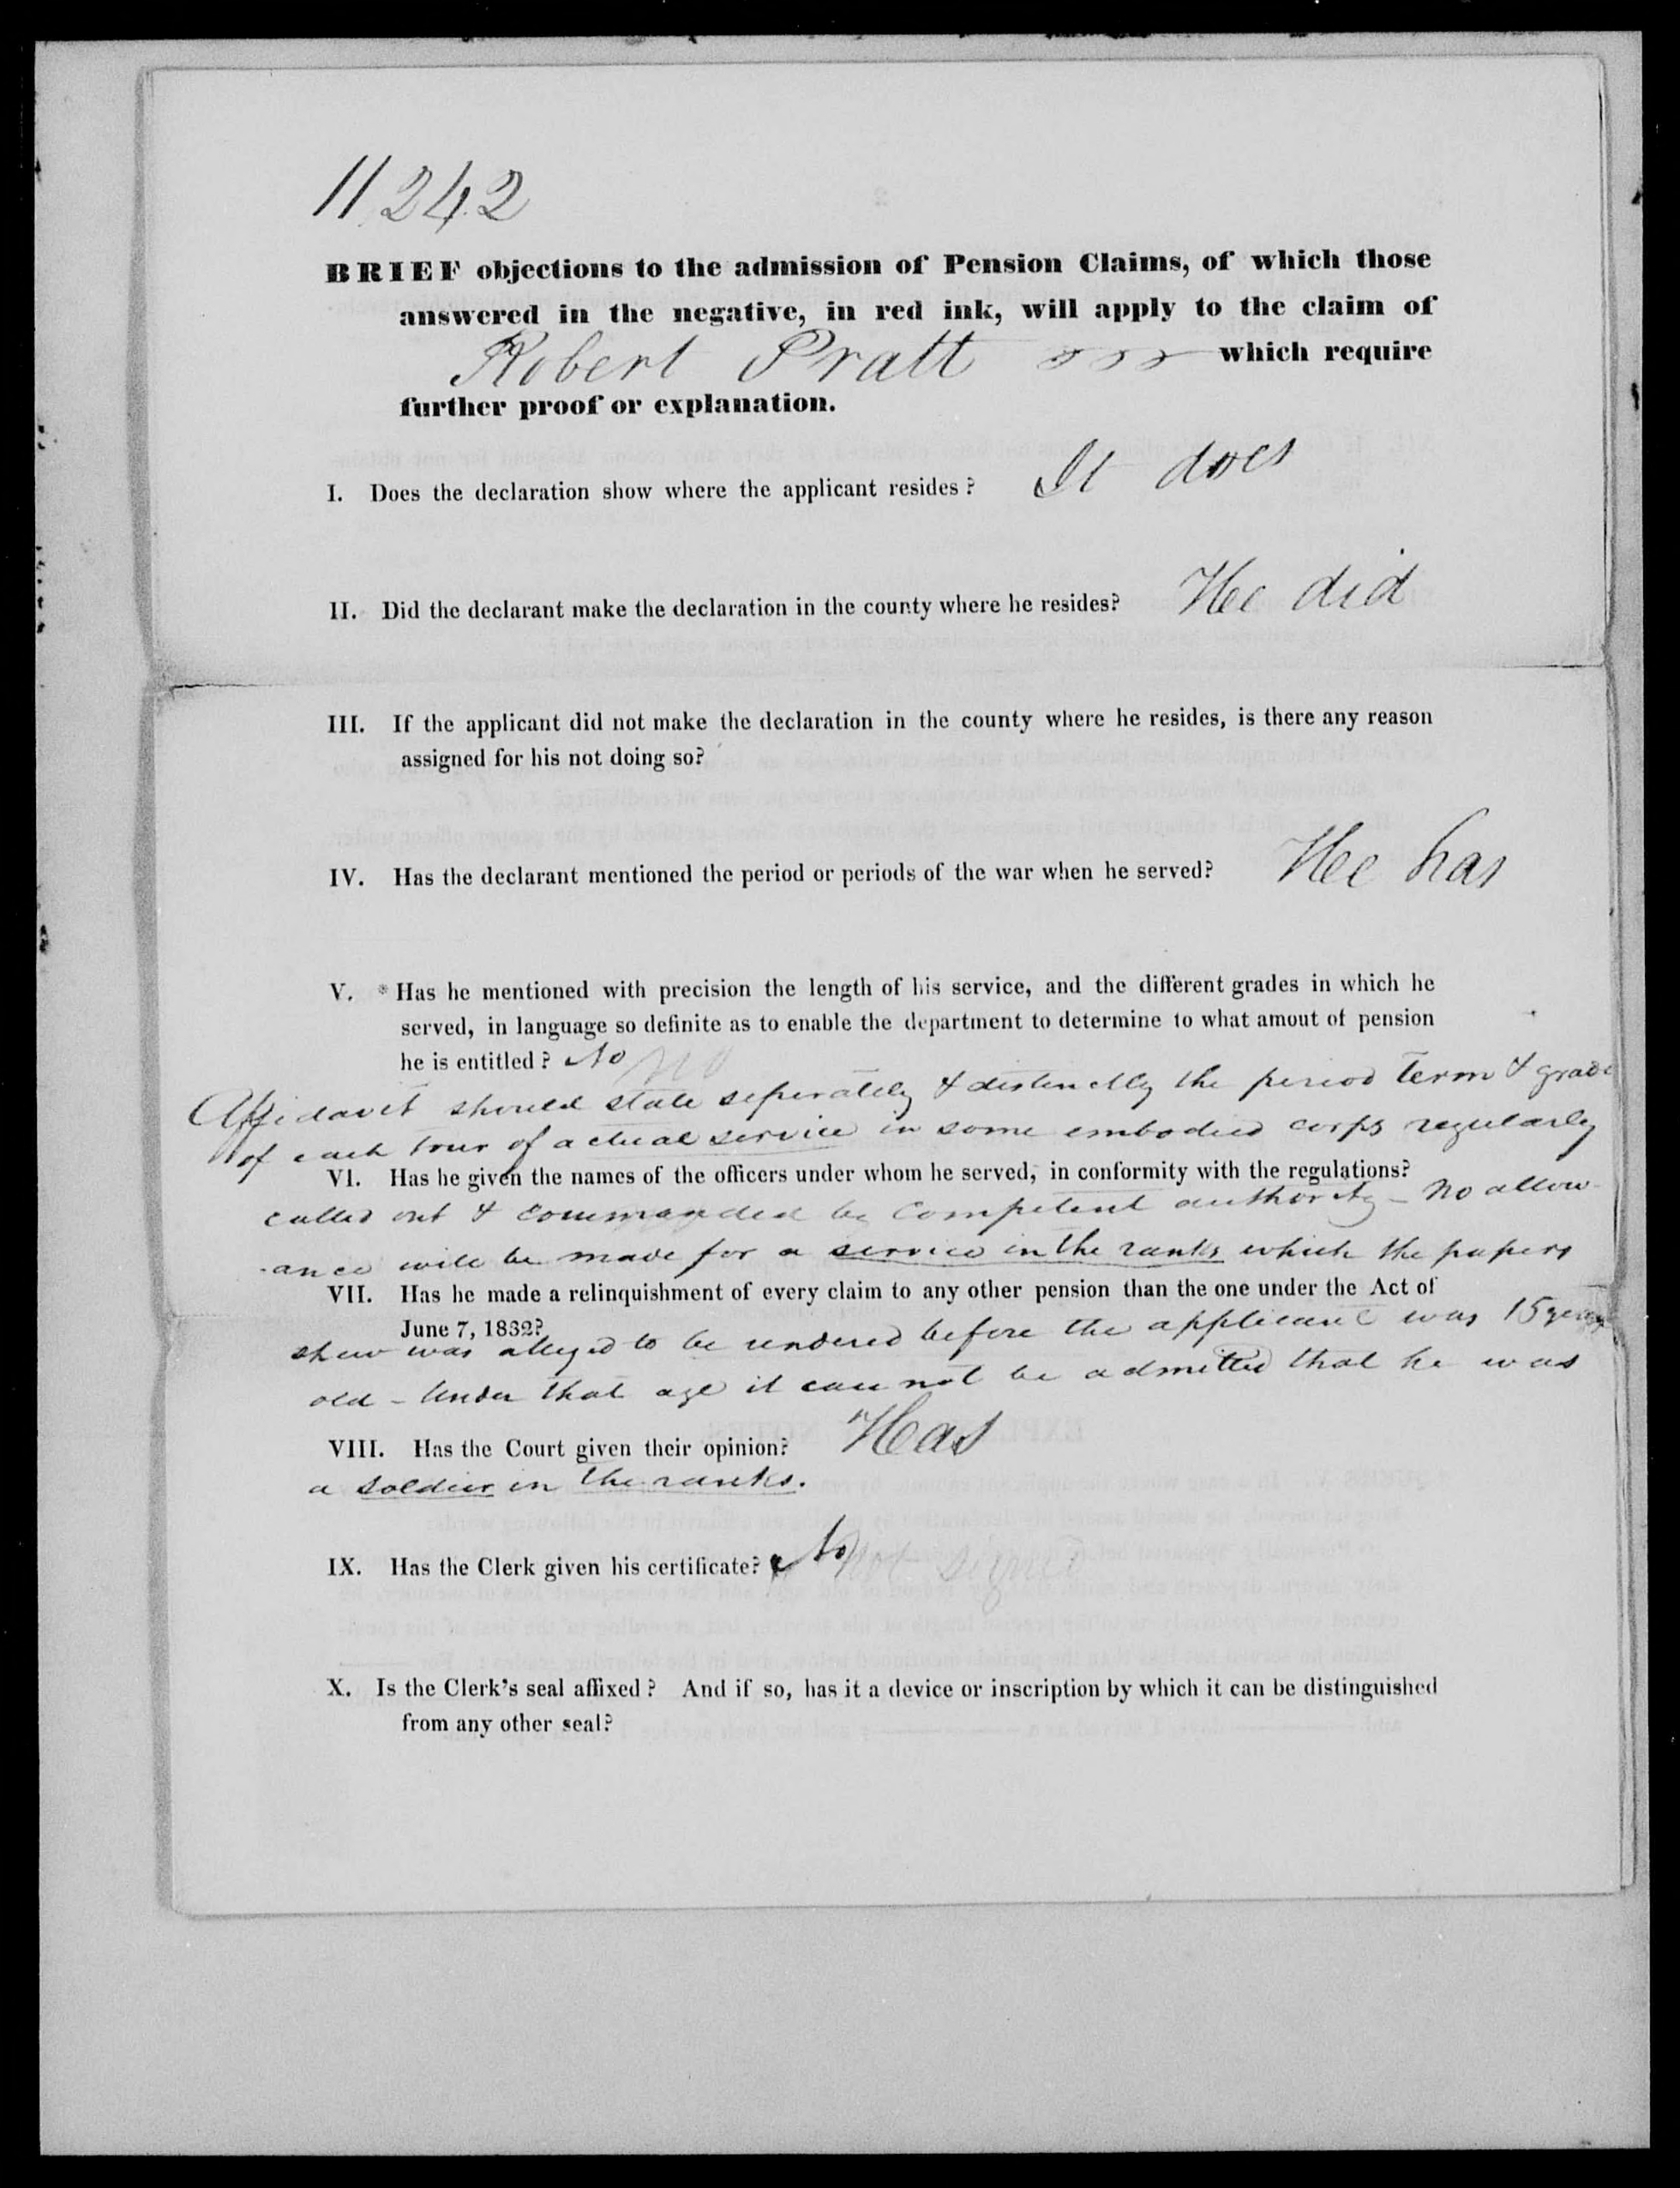BRIEF objections to the admission of Pension Claims, of which those answered in the negative, in red ink, will apply to the claim of
Robert Pratt & which require further proof or explanation.
I. Does the declaration show where the applicant resides? It does
II. Did the declarant make the declaration in the county where he resides? He did
III. If the applicant did not make the declaration in the county where he resides, is there any reason assigned for his not doing so?
IV. Has the declarant mentioned the period or periods of the war when he served? He has
V. Has he mentioned with precision the length of his service, and the different grades in which he served, in language so definite as to enable the department to determine to what amount of pension he is entitled? No
Affidavit should state separately & distinctly the period term & grade of each tour of actual service in some embodied corps regularly
VI. Has he given the names of the officers under whom he served, in conformity with the regulations?  Called out & commanded by competent authority-- no allowance will be made for a service in the ranks which the papers show was alleged to be rendered before the applicant was 15 years old - under that age it cannot be admitted that he was a soldier in the ranks.
VII. Has he made a relinquishment of every claim to any other pension than the one under the Act of June 7, 1832?
VIII. Has the Court given their opinion? Has
IX. Has the Clerk given his certificate? No not signed
X. Is the Clerk's seal affixed? And if so, has it a device or inscription by which it can be distinguished from any other seal?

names: Robert Pratt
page: 21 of 23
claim: survivor's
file: S. 14,229, for Robert Pratt, New York